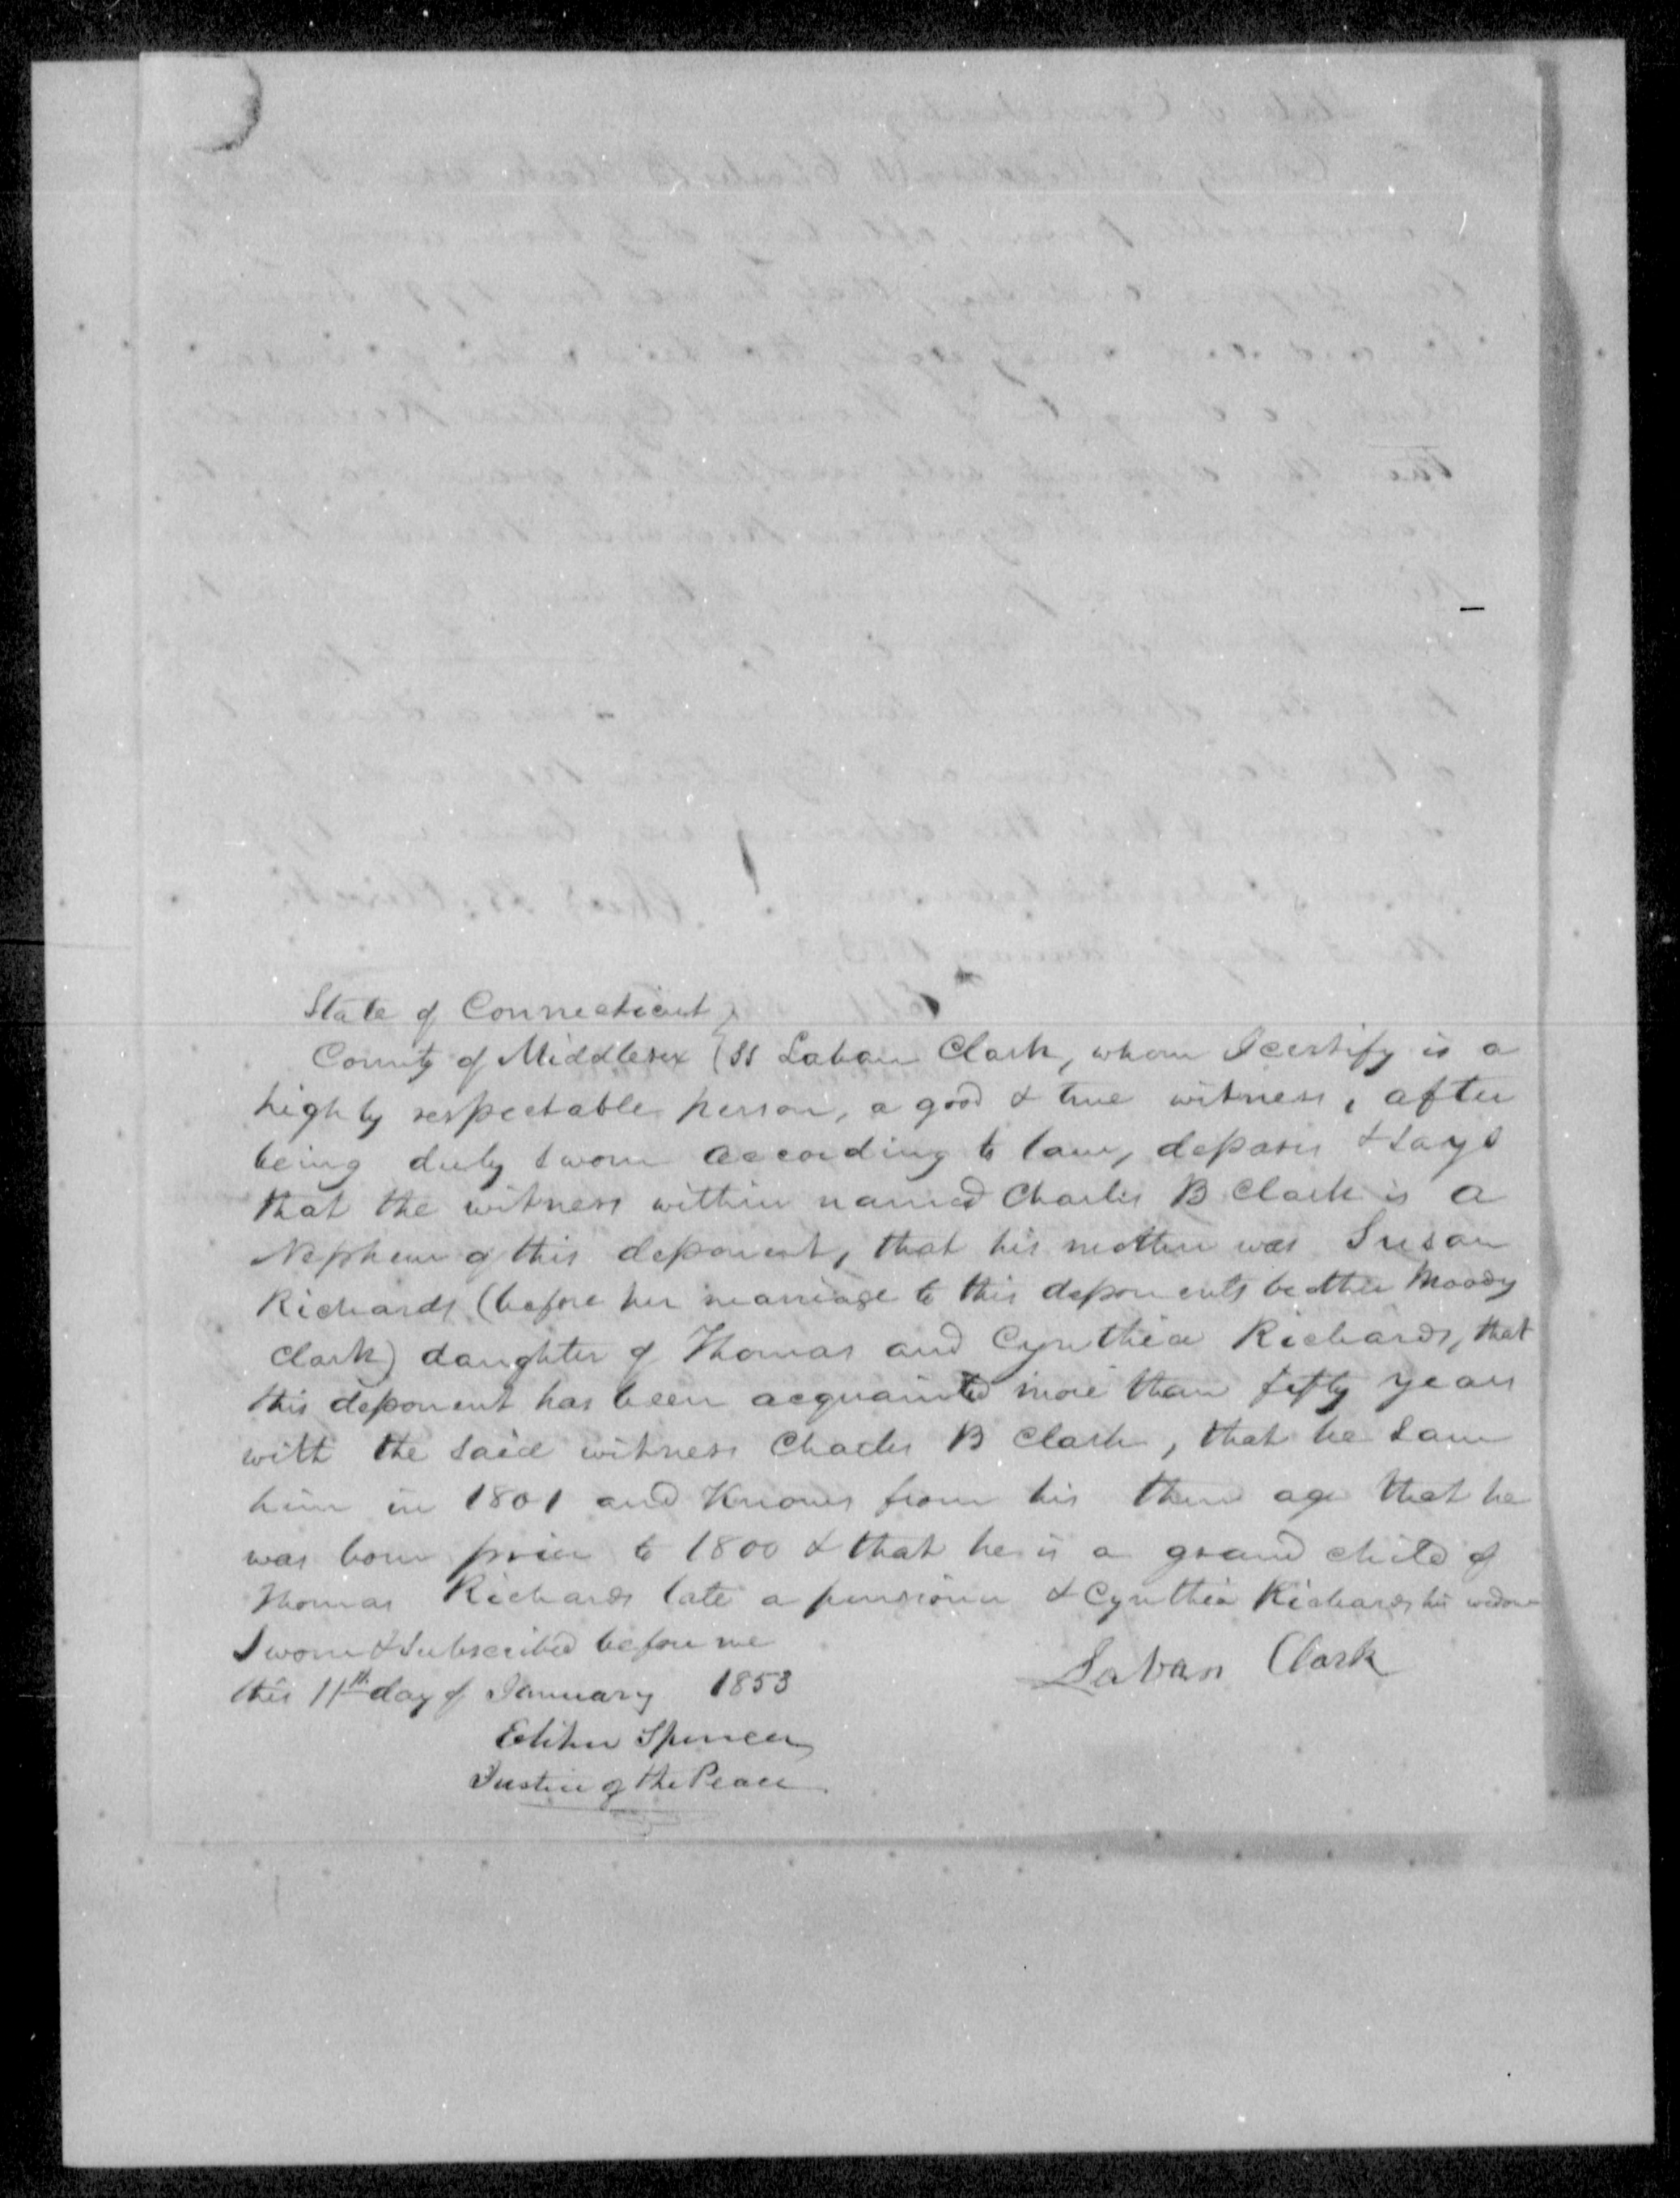State of Connecticut
County of Middlesex} SS Laban Clark, whom I certify is a highly respectable person, a good & true witness, after being duly sworn according to law, deposes & says that the witness within named Charles B. Clark is a Nephew of this deponent, that his mother was Susan
Richards (before her marriage to this deponents [sic] brother Moody Clark) daughter of Thomas and Cynthia Richards, that this deponent has been acquainted more than fifty years with the said witness Charles B Clark, that he saw him in 1801 and knows from his then age that he was born prior to 1800 & that he is a grand child [sic] of Thomas Richards late a pensioner & Cynthia Richards his widow
Sworn & subscribed before me this 11th day of January 1853
Laban Clark
Elihu Spencer
Justice of the Peace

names: Charles B Clark; Thomas Richards; Moody Clark; Susan Richards; Cynthia Richards; Laban Clark; Cynthia Richards; Elihu Spencer; Charles B Clark; Thomas Richards; Laban Clark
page: 15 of 109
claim: widow's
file: W. 5709, for Thomas Richards, New Hampshire